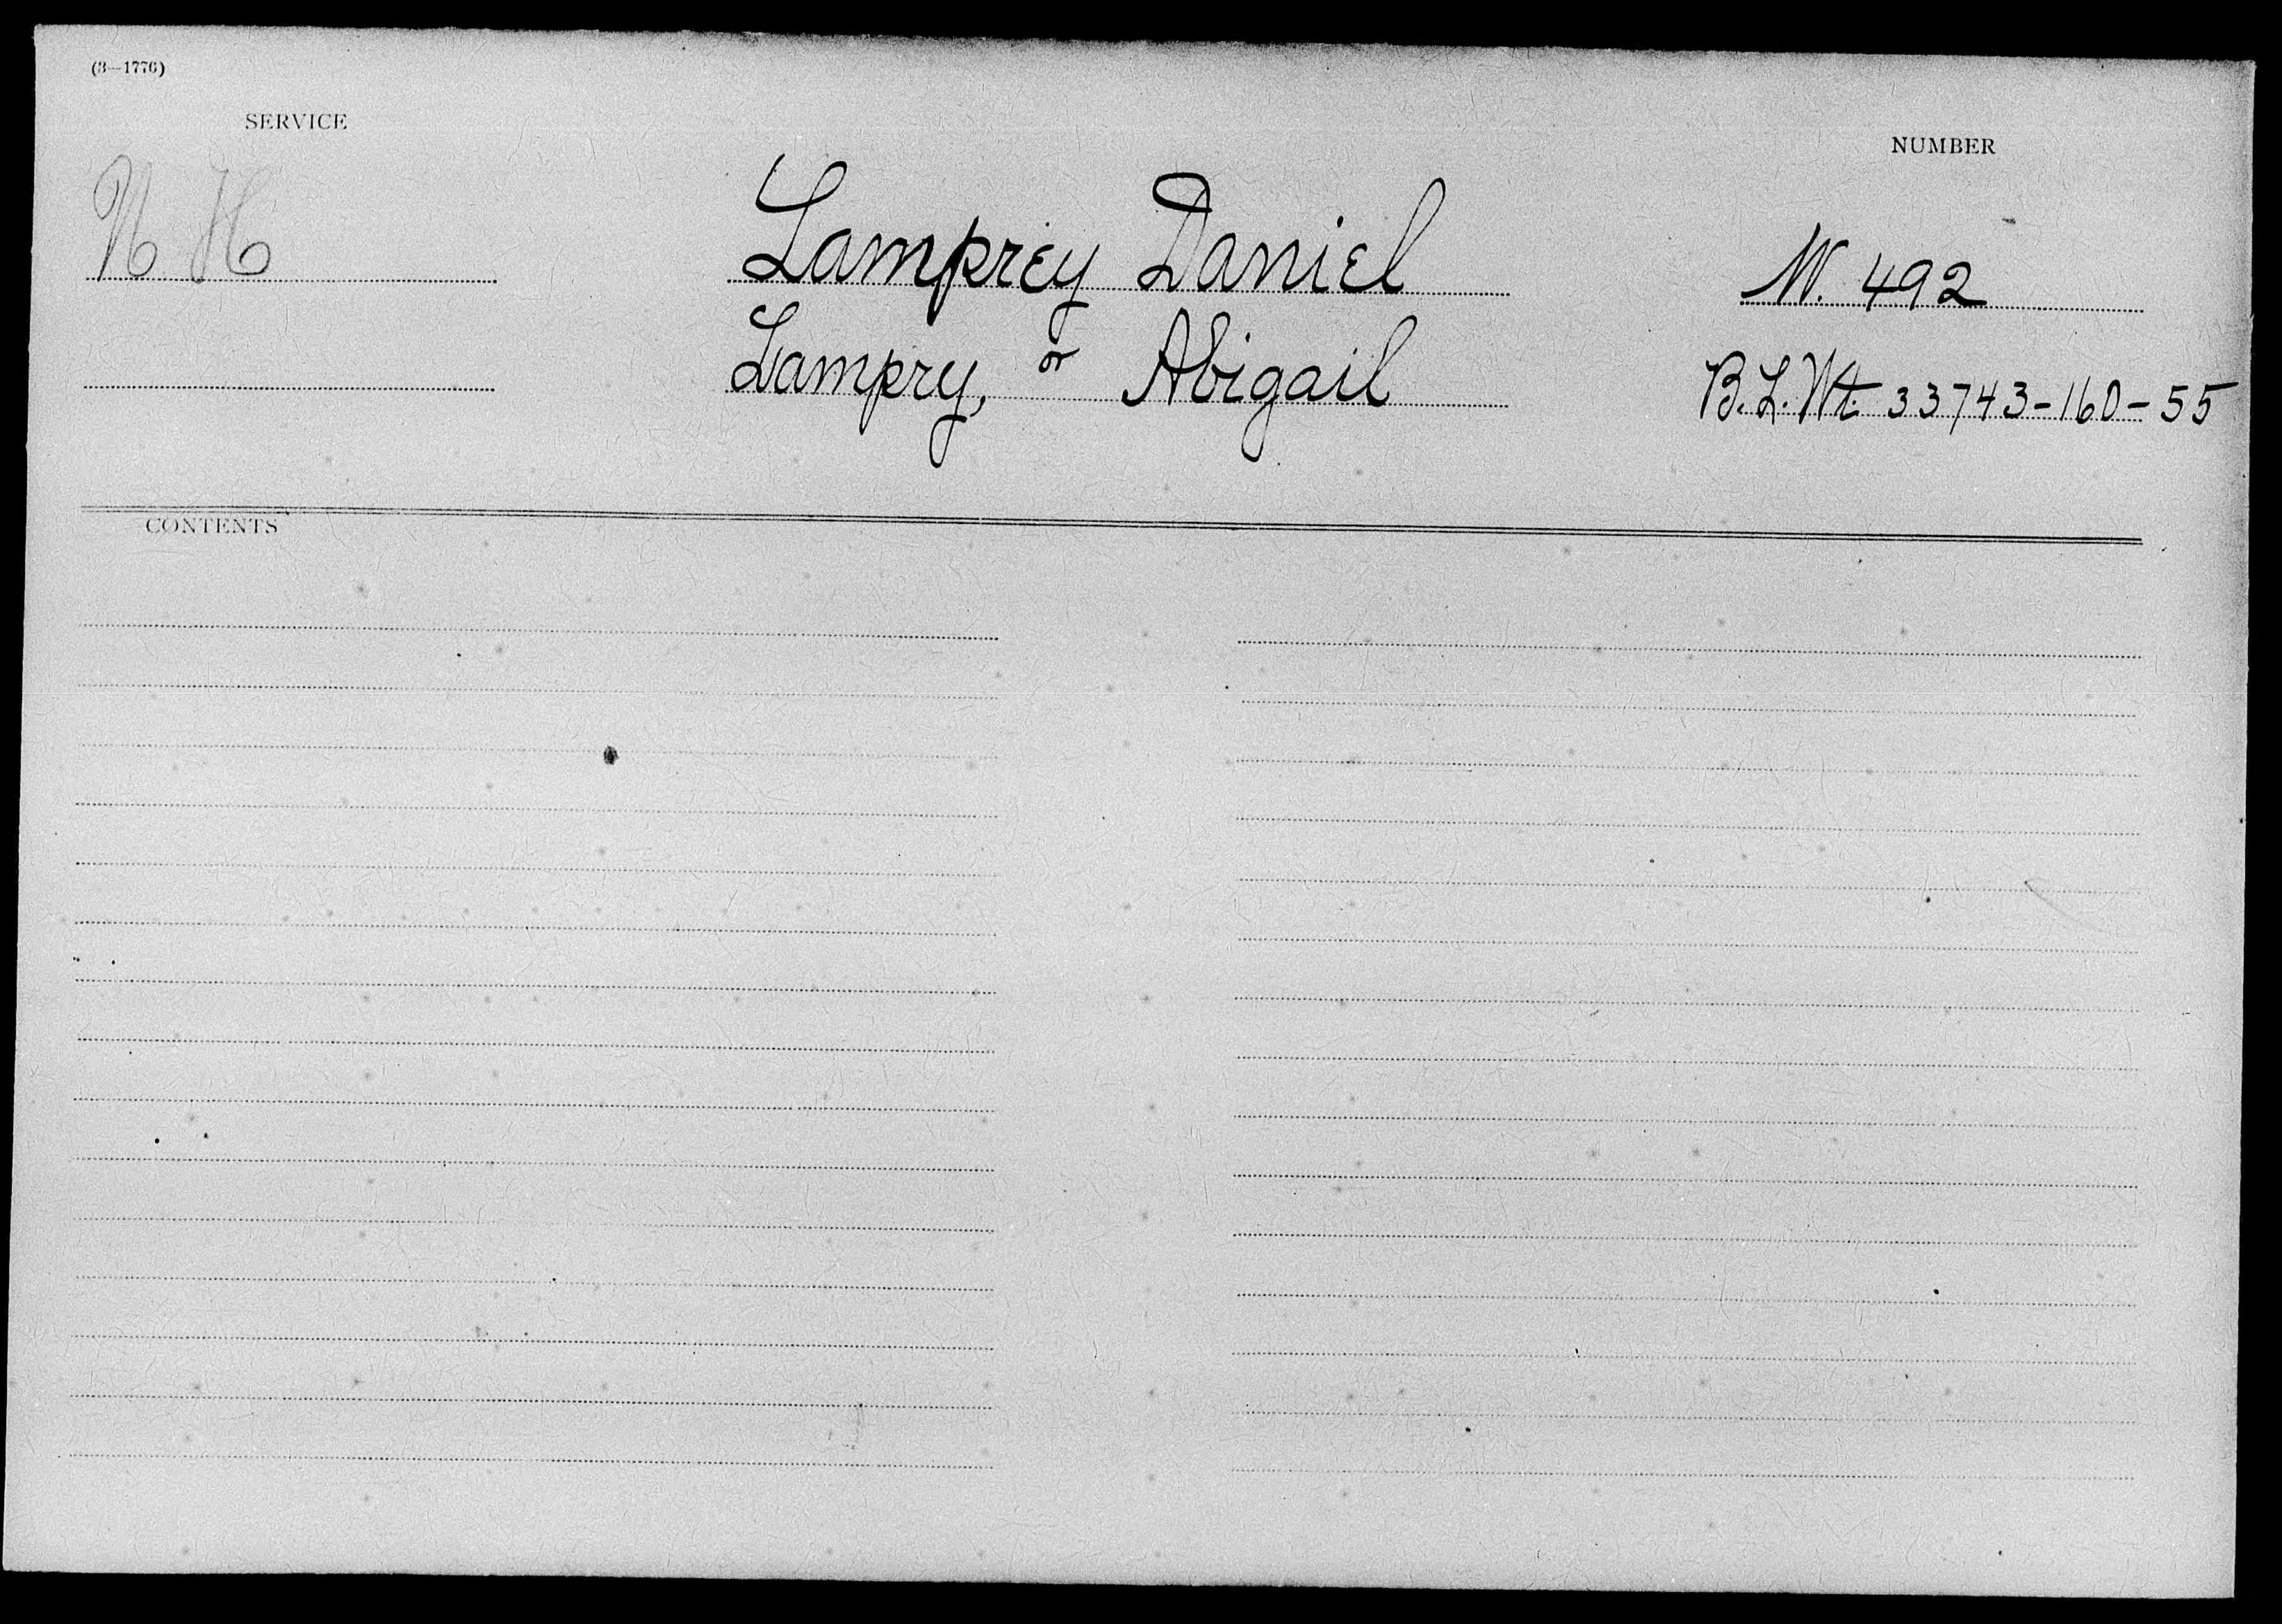(3 - 1776)
SERVICE
N H
Lamprey Daniel or Lampry Abigail
NUMBER
W. 492
B.L. Wt. 33743-160-55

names: Abigail Lampry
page: 1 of 53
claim: widow's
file: W. 492, for Daniel Lamprey, New Hampshire